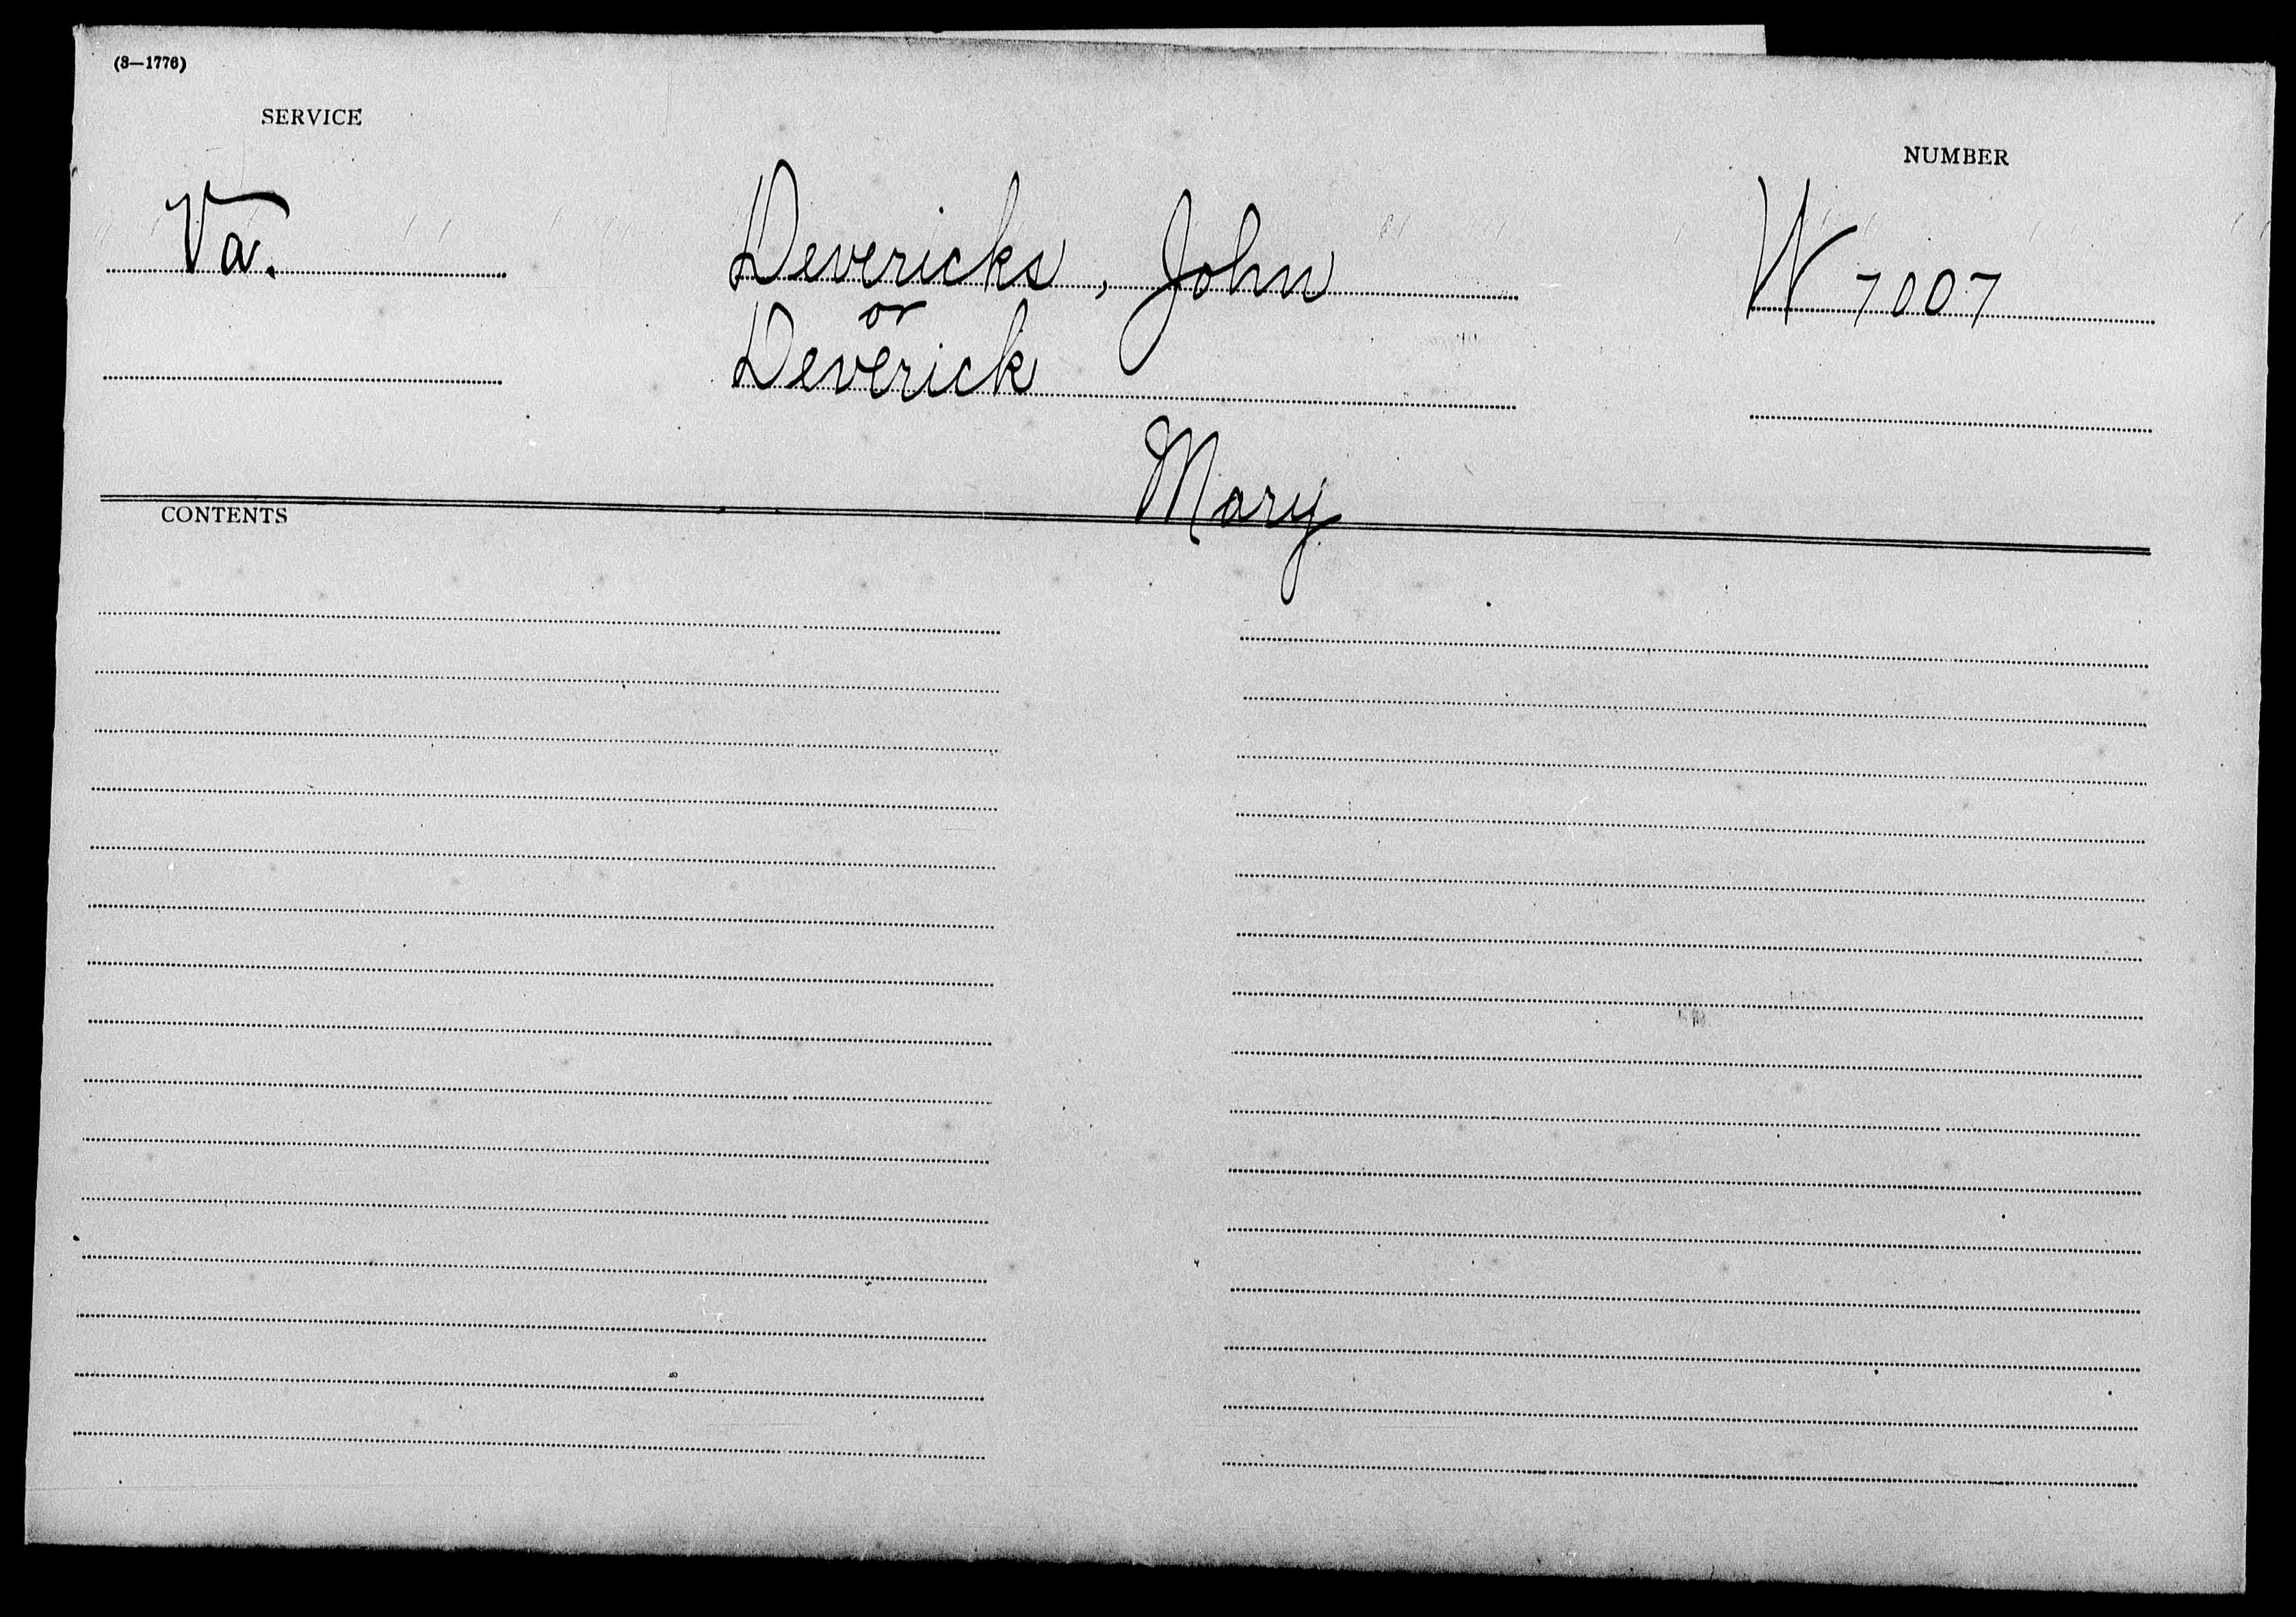Service
Va.

Devericks or Deverick, John
Mary

Number
W7007

Contents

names: John Deverick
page: 1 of 35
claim: widow's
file: W 7007, John Devericks, Va.